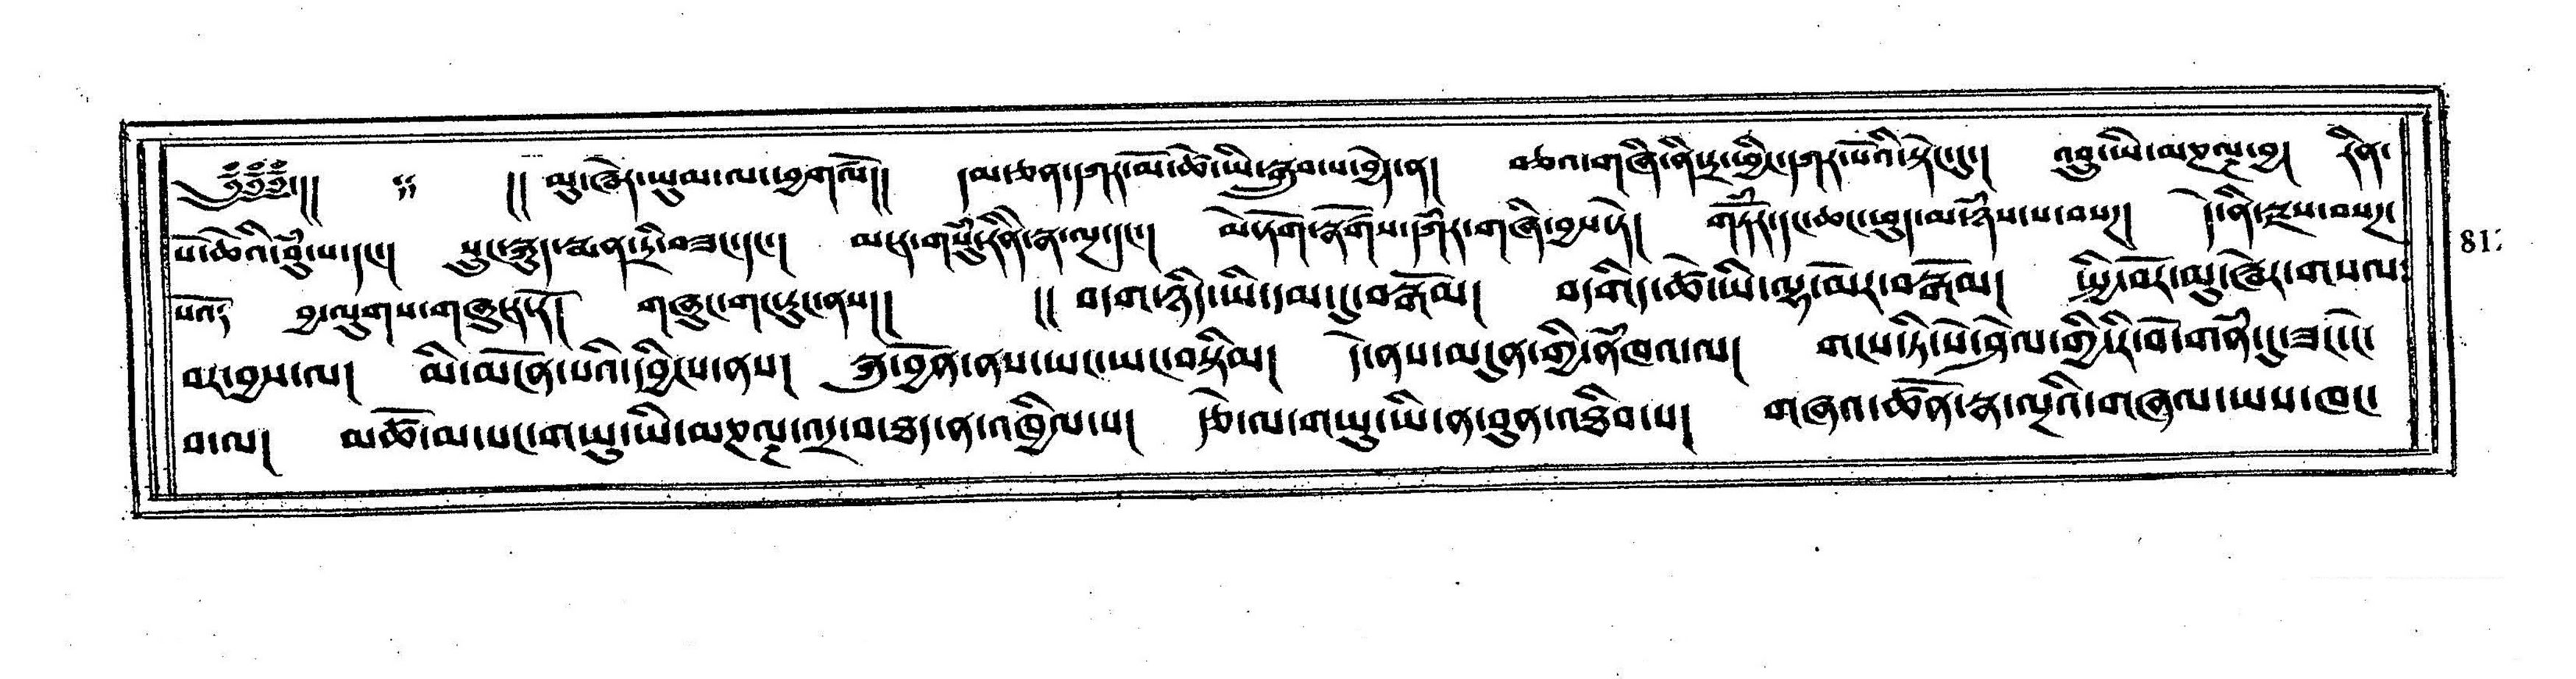༄༅༅།། །།མུ་ཝེར་ཡུམ་ལ་ཕྱག་འཚལ་ལོ།། དམ་ཅན་དཀར་མོ་ཚེ་ཡི་སྒྲུབ་པ་བྱེད་ན། བཅའ་གཞི་ནི་དྲ་ཕྱིང་དཀར་པོའི་སྟེང་དུ། འབྲུ་ཡི་མཎྜལ་བྱ། རིན་
པོ་ཆེའི་བུམ་པ་དང་། སྲུང་སྐུད་སྨན་དྲི་བཟང་དང་། མངར་གསུམ་རིན་ཆེན་སྣ་ལྔ་དང་། མེ་ཏོག་སྣ་ཚོགས་དཀར་གསུམ་གཞི་བྱས་ཏེ། གཏོར་མ་དང་ཆང་ཕུད་མ་ཉམས་པ་བསགས། དེ་ནི་རྫས་བསགས་
པའོ། བྱ་ལུགས་གཞུང་ལྟར་རོ། གཞུང་གང་རུང་ནས།། །།བདག་ཉིད་ཡི་དམ་དུ་བསྒོམ། བདག་ཉིད་ཚེ་ཡི་ལྷ་མོར་བསྒོམ། སྤྱི་བོར་མུ་ཝེར་གསལ་
བར་བྱས་ལ། མི་མངོན་པའི་དབྱིངས་ནས། སྐུ་བྱོན་ནས་ཡང་ཡང་བསྟིམ། དེ་ནས་མདུན་གྱི་ནམ་མཁའ་ལ། གངས་ཏི་སེ་ཤེལ་གྱི་རི་བོ་གནམ་དུ་ཟང་ངེ་
བ་ལ། མཚོ་མ་པང་གཡུ་ཡི་མཎྜལ་འདྲ་བ་ཐད་ན་འཁྱིལ་པ། རྩེ་ལ་གཡུ་ཡི་ན་བུན་འཐིབ་པ། གཞའ་ཚོན་སྣ་ལྔའི་གཞལ་ཡས་ཁང་